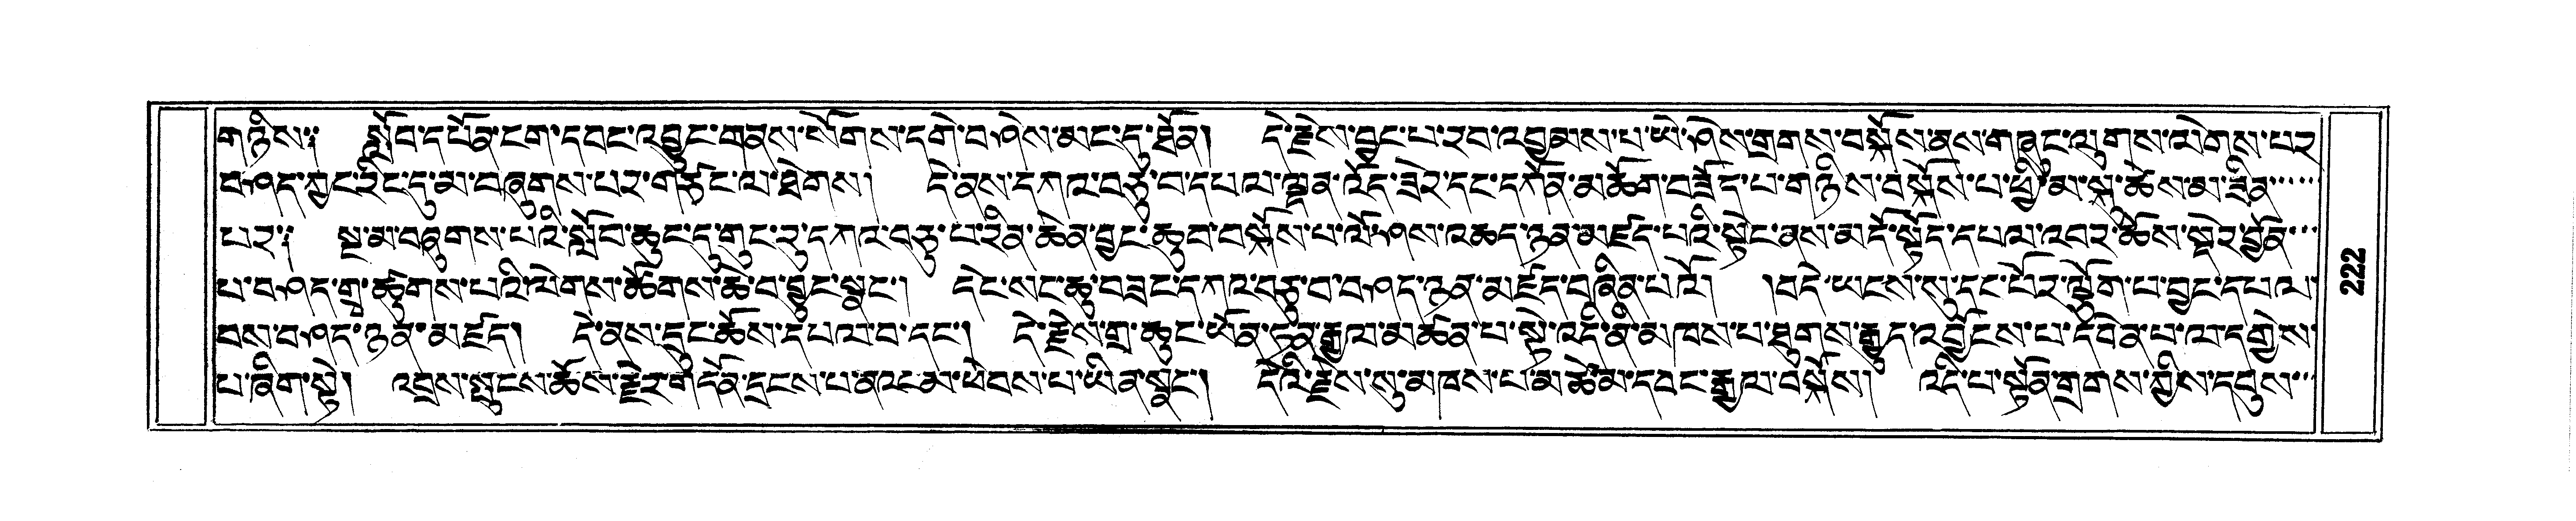གཉིས༑ སློབ་དཔོན་ངག་དབང་འབྱུང་གནས་སོགས་དགེ་བཤེས་མང་དུ་ཐོན། དེ་རྗེས་བྱང་པ་རབ་འབྱམས་པ་ཡེ་ཤེས་གྲགས་བསྐོས་ནས་གཞུང་ལུགས་ལེགས་པར་
བཤད་ཀྱང་རིང་དུ་མ་བཞུགས་པར་གཙང་ལ་ཐེགས། དེ་ནས་དཀའ་བཅུ་བ་དཔལ་ལྡན་འོད་ཟེར་དང་དཀོན་མཆོག་བཟོད་པ་གཉིས་བསྐོས་པ་ཕྱི་མ་སྐུ་ཚེས་མ་ཟིན་
པར༑ སྔ་མ་བཞུགས་པའི་སློབ་ཆུང་དུ་གུང་རུ་དཀའ་བཅུ་རིན་ཆེན་བྱང་ཆུབ་བསྐོས་པ་ལོ་ཤས་འཆད་ཉན་མཛད་པའི་སྟེང་ནས་མདོ་སྟོད་དཔལ་འབར་ཆོས་སྡེར་བྱོན་
པ་བཤད་གྲྭ་ཚུགས་པའི་ལེགས་ཚོགས་ཆེ་བ་བྱུང་སྣང་། དེང་སང་ཆུ་བཟང་དཀའ་བཅུ་བ་བཤད་ཉན་མཛད་བཞིན་པའོ། །བདེ་ཡངས་སུ་དང་པོར་ལྕོག་པ་བྱང་དཔལ་
བས་བཤད་ཉན་མཛད། དེ་ནས་དྲུང་ཆོས་དཔལ་བ་དང་། དེ་རྗེས་གྲ་ཆུང་ཡོན་ཏན་རྒྱལ་མཚན་པ་སྟེ་འདི་ནི་མཁས་པ་ཐུགས་རྒྱུད་འབྱོངས་པ་དབེན་པ་ལ་དགྱེས་
པ་ཞིག་སྟེ། འབྲས་སྤུངས་ཆོས་རྗེར་གདོན་དྲངས་པ་ནའང་མ་ཕེབས་པ་ཡིན་སྣང་། དེའི་རྗེས་སུ་མཁས་པ་མཚེ་མ་དབང་རྒྱལ་བསྐོས། འདི་པ་སྟོན་གྲགས་ཀྱིས་དབུས་